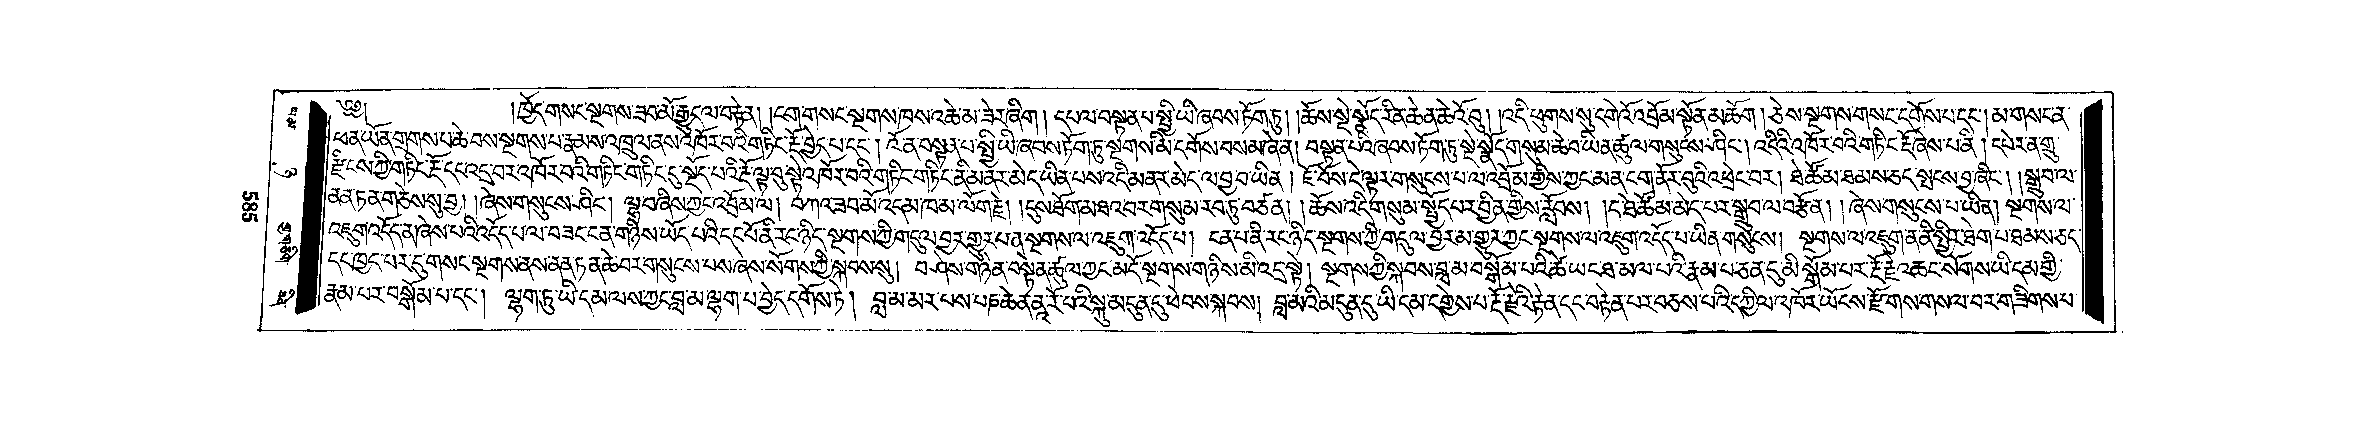༄༅། །ཁྱོད་གསང་སྔགས་ཟབ་མོ་རྒྱུད་ལ་བརྟེན། །ངག་གསང་སྔགས་ཁས་འཆེ་མ་ཟེར་ཞིག །དཔལ་བསྟན་པ་སྤྱི་ཡི་ཞབས་ཏོག་ཏུ། །ཆོས་སྡེ་སྣོད་རིན་ཆེན་ཆེའོ་བུ། །འདི་ཕུགས་སུ་དགེའོ་འབྲོམ་སྟོན་མཆོག །ཅེས་སྔགས་གསང་དགོས་པ་དང་། མ་གསང་ན་
ཕན་ཡོན་གྲགས་པ་ཆེ་བས་སྔགས་པ་རྣམས་འཁྲུལ་ནས་འཁོར་བའི་གཏིང་རྡོ་བྱེད་པ་དང་། འོ་ན་བསྟན་པ་སྤྱི་ཡི་ཞབས་ཏོག་ཏུ་སྔགས་མི་དགོས་བསམ་ཞེ་ན། བསྟན་པའི་ཞབས་ཏོག་ཏུ་སྡེ་སྣོད་གསུམ་ཆེ་བ་ཡིན་ཚུལ་གསུངས་ཤིང་། འདིའི་འཁོར་བའི་གཏིང་རྡོ་ཞེས་པ་ནི། དཔེར་ན་གྲུ་
རྫིངས་ཀྱི་གཏིང་རྡོ་དང་འདྲ་བར་འཁོར་བའི་གཏིང་གཏིང་དུ་སྡོད་པའི་རྡོ་ལྟ་བུ་སྟེ་འཁོར་བའི་གཏིང་གཏིང་ནི་མནར་མེད་ཡིན་པས་འདི་མནར་མེད་ལ་བྱ་བ་ཡིན། ཇོ་བོས་དེ་ལྟར་གསུངས་པ་ལ་འབྲོམ་གྱིས་ཀྱང་མན་ངག་ནོར་བུའི་འཕྲེང་བར། ཐེ་ཚོམ་ཐམས་ཅད་སྤངས་བྱ་ཞིང་། །སྒྲུབ་ལ་
ནན་ཏན་གཅེས་སུ་བྱ། །ཞེས་གསུངས་ཤིང་། ལྷ་བཞིས་ཀྱང་འབྲོམ་ལ། བཀའ་ཟབ་མོ་འདམ་ཁ་མ་ལོག་རྗེ། །དུས་ཐོག་མཐའ་བར་གསུམ་རབ་ཏུ་བཙན། །ཆོས་འདི་གསུམ་སྤྱོད་པར་བྱིན་གྱིས་རློབས། །ད་ཐེ་ཚོམ་མེད་པར་སྒྲུབ་ལ་བརྩོན། །ཞེས་གསུངས་པ་ཡིན། སྔགས་ལ་
འཇུག་འདོད་ན་ཞེས་པའི་འདོད་པ་ལ་བཟང་ངན་གཉིས་ཡོད་པའི་དང་པོ་ནི་རང་ཉིད་སྔགས་ཀྱི་གདུལ་བྱར་གྱུར་པ་ན་སྔགས་ལ་འཇུག་འདོད་པ། ངན་པ་ནི་རང་ཉིད་སྔགས་ཀྱི་གདུལ་བྱར་མ་གྱུར་ཀྱང་སྔགས་ལ་འཇུག་འདོད་པ་ཡིན་གསུངས། སྔགས་ལ་འཇུག་ན་ནི་སྤྱིར་ཐེག་པ་ཐམས་ཅད་
དང་ཁྱད་པར་དུ་གསང་སྔགས་ནས་ནན་ཏན་ཆེ་བར་གསུངས་པས་ཞེས་སོགས་ཀྱི་སྐབས་སུ། བཤེས་གཉེན་བསྟེན་ཚུལ་ཀྱང་མདོ་སྔགས་གཉིས་མི་འདྲ་སྟེ། སྔགས་ཀྱི་སྐབས་བླ་མ་བསྒོམ་པའི་ཚེ་ཡང་ཐ་མལ་པའི་རྣམ་པ་ཅན་དུ་མི་སྒོམ་པར་རྡོ་རྗེ་འཆང་སོགས་ཡི་དམ་གྱི་
རྣམ་པར་བསྒོམ་པ་དང་། ལྷག་ཏུ་ཡི་དམ་ལས་ཀྱང་བླ་མ་ལྷག་པ་བྱེད་དགོས་ཏེ། བླ་མ་མར་པས་པཎ་ཆེན་ནཱ་རོ་པའི་སྐུ་མདུན་དུ་ཕེབས་སྐབས། བླ་མའི་མདུན་དུ་ཡི་དམ་དགྱེས་པ་རྡོ་རྗེའི་རྟེན་དང་བརྟེན་པར་བཅས་པའི་དཀྱིལ་འཁོར་ཡོངས་རྫོགས་གསལ་བར་གཟིགས་པ་